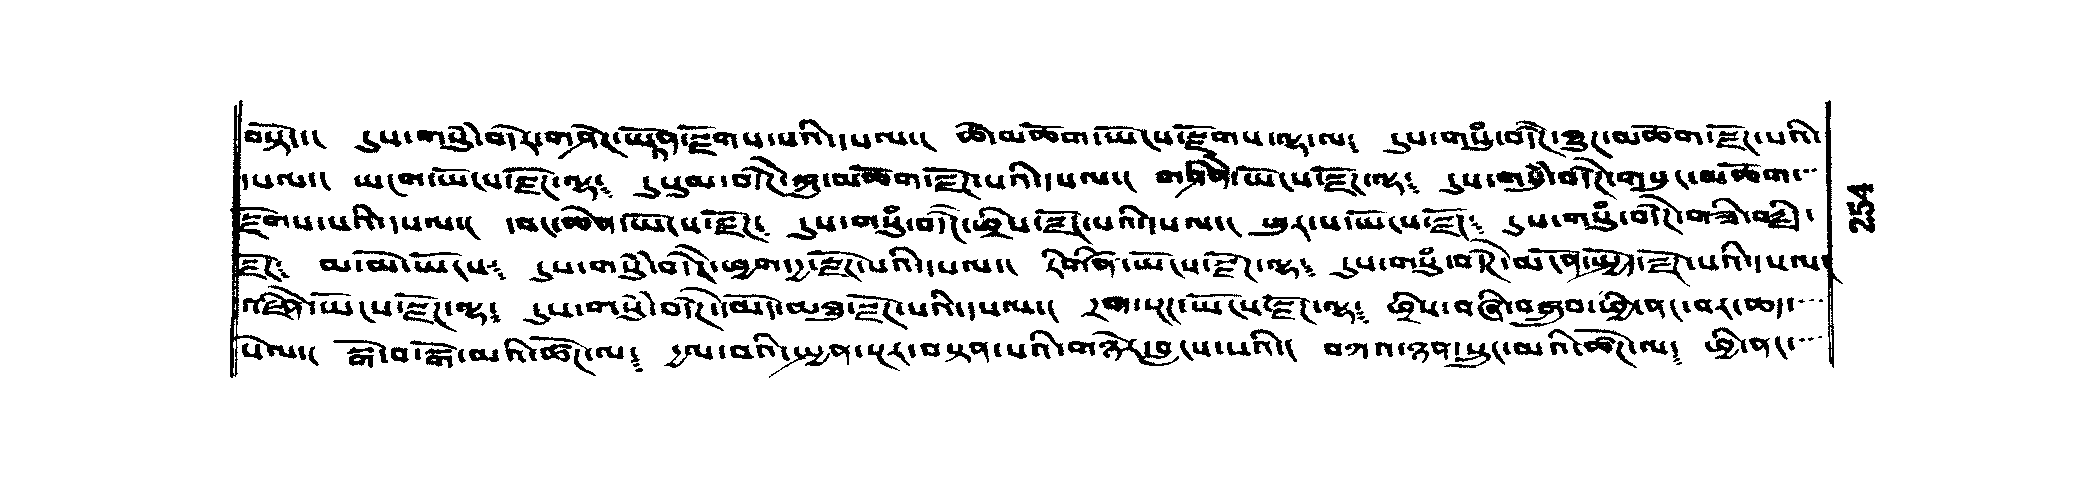བསྟོད། །དུས་གསུམ་བདེ་གཤེགས་ཡོན་ཏན་རྫོགས་པའི་དཔལ། །ཆེ་མཆོག་ཡོངས་རྫོགས་ལྷ་ལ་༴ དུས་གསུམ་བདེ་གཤེགས་ཐུགས་མཆོག་རྫོགས་པའི་
དཔལ། ། ཡང་དག་་ཡོངས་རྫོགས་ལྷ་༴ དུས་གསུམ་བདེ་བཤེགས་སྐུ་མཆོག་རྫོགས་པའི་དཔལ། །གཤིན་རྗེ་ཡོངས་རྫོགས་༴ དུས་གསུམ་བདེ་གཤེགས་གསུང་མཆོག་
རྫོགས་པའི་དཔལ། །དབང་ཆེན་ཡོངས་རྫོགས་༴ དུས་གསུམ་བདེ་གཤེགས་ཕྲིན་ལས་རྫོགས་པའི་དཔལ། །ཕུར་པ་ཡོངས་རྫོགས་༴ དུས་གསུམ་བདེ་གཤེགས་གཟི་བརྗིད་
རྫོགས་༴ མ་མོ་ཡོངས་༴ དུས་གསུམ་བདེར་གཤེགས་ཕྱག་རྒྱ་རྫོགས་པའི་དཔལ། །རིག་འཛིན་ཡོངས་རྫོགས་ལྷ་༴དུས་གསུམ་བདེ་གཤེགས་མངོན་སྤྱོད་རྫོགས་པའི་དཔལ། །
འཇིག་རྟེན་ཡོངས་རྫོགས་ལྷ་༴ དུས་གསུམ་བདེ་གཤེགས་དམོད་མཐུ་རྫོགས་པའི་དཔལ། །དྲག་སྔགས་ཡོངས་རྫོགས་ལྷ་༴ ཕྲིན་ལས་བཞི་བསྒྲུབ་ཕྱི་ནང་བར་ཆད་
སེལ། སྒོ་བ་སྒོ་མའི་ཚོགས་ལ་༴ རྒྱལ་བའི་སྤྱན་སྔར་བསྟན་པའི་གཉེར་བླངས་པའི། །བཀའ་ཉན་སྲུང་མའི་ཚོགས་ལ་༴ ཕྱི་ནང་